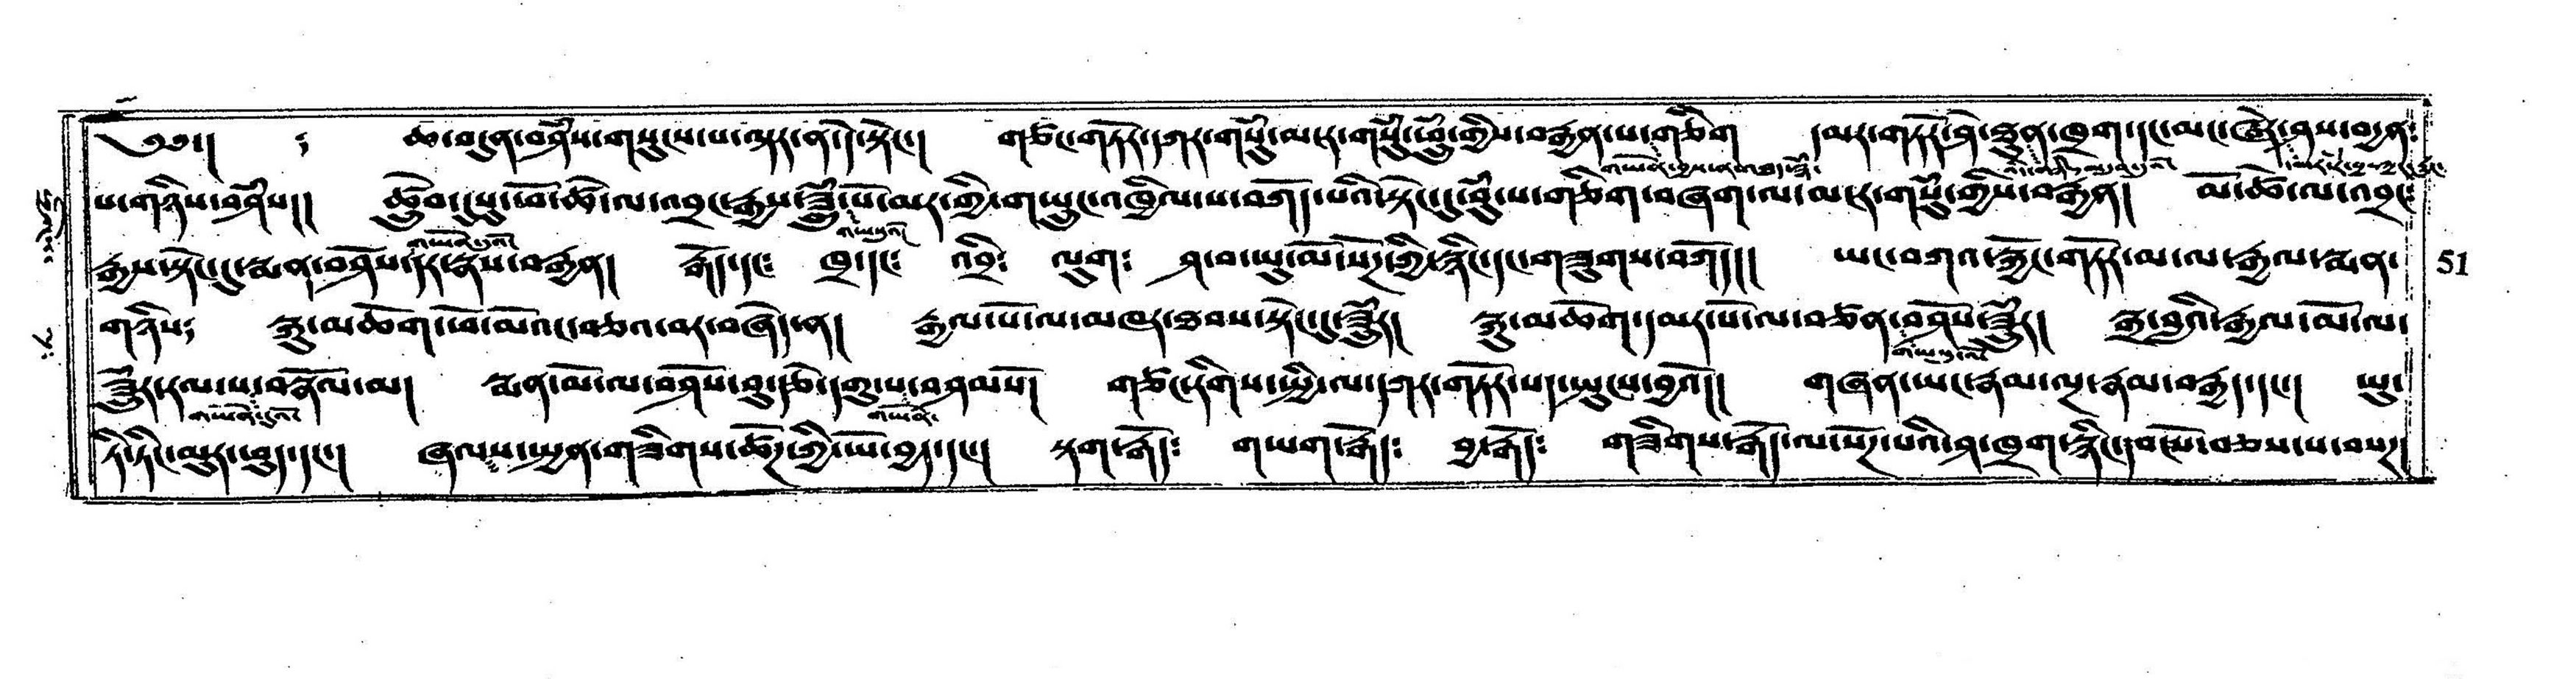ཆ་བདུན་བཤམས་གསུངས་པ་ལྟར་ན་དེ་སྟེང་། གཙང་གཏོར་དཀར་གསུམ་མངར་གསུམ་ཕྲུམ་གྱིས་བརྒྱན་པ་(གཡོན་བྱས་ན་འཐད་སྙམ་)གཅིག དམར་གཏོར་ཤེ་ཐུན་(འདི་གཉིས་མདུན་དུའོ།) ཁྲག་དང་མང་ཝེར་(དམར་རམ་བྱས་ཀྱང་རུང་)ཤས་བརྒྱན་
པ་གཉིས་བཤམས།། ཚེ་སྒྲུབ་དུས་སུ་ཕོ་ཚེ་ལ་འབྲང་རྒྱས་ཟླུམ་(གཡས་སུའོ།) པོ་མར་གྱི་གཡུང་དྲུང་འཁྱིལ་པ་བཀོད་པའི་སྟེང་དུ་བུམ་པ་གཅིག་བཞག་ལ་མངར་གསུམ་གྱིས་བརྒྱན། མོ་ཚེ་ལ་འབྲང་
རྒྱས་སྟེང་དུ་སྨན་བཤོས་དར་རྣམས་བརྒྱན། རྒོད་དང་༴ ཁྲ་དང་༴ འབྲི༴ ལུག༴ ཤ་བ་ཡུ་མོ་སོགས་ཀྱི་སྙིང་དང་གཟུགས་བཀོད།། ཡང་བཀའ་སྐྱོང་གཏོར་མ་ལ་རྒྱལ་སྨན་
གཉིས། སྐུ་མཆོག་ཕོ་མོའང་བཅའ་བར་བཞེད་ན། རྒྱལ་པོ་ལ་མཁར་ཐབས་སྟེང་དུ་ཟུར་གསུམ། སྐུ་མཆོག་དམར་པོ་ལ་བཙན་(གཡས་སུའོ) བཤོས་ཟུར་གསུམ། སྒྲ་བླའི་རྒྱལ་མོ་ལ་
ཟུར་གསུམ་རལ་པ་(གཡོན་དུའོ་) བསྣོལ་མ། སྨན་མོ་ལ་བཤོས་བུ་རྩེ་དགུ་པ་(གཡོན) བཤམས་སོ། གཙང་རིགས་སྤྱི་ལ་དཀར་གཏོར་པད་སྤུངས་བྱའོ།། གཞན་ཡང་རྣམ་ལྔ་རྣམ་བརྒྱད་དང་། ཡུ་
ཏི་ཏིང་མུར་ཕུད་དང་། ཞལ་ཟས་སྤྱན་གཟིགས་ཚོགས་ཀྱི་ཡོ་བྱད་དང་། སྟག་རྒོད༴ གཡག་རྒོད༴ བྱ་རྒོད༴ གཟིགས་རྒོད་ལ་སོགས་པའི་ཤ་ཁྲག་སྙིང་དབང་པོ་བཅས་པ་བསགས་